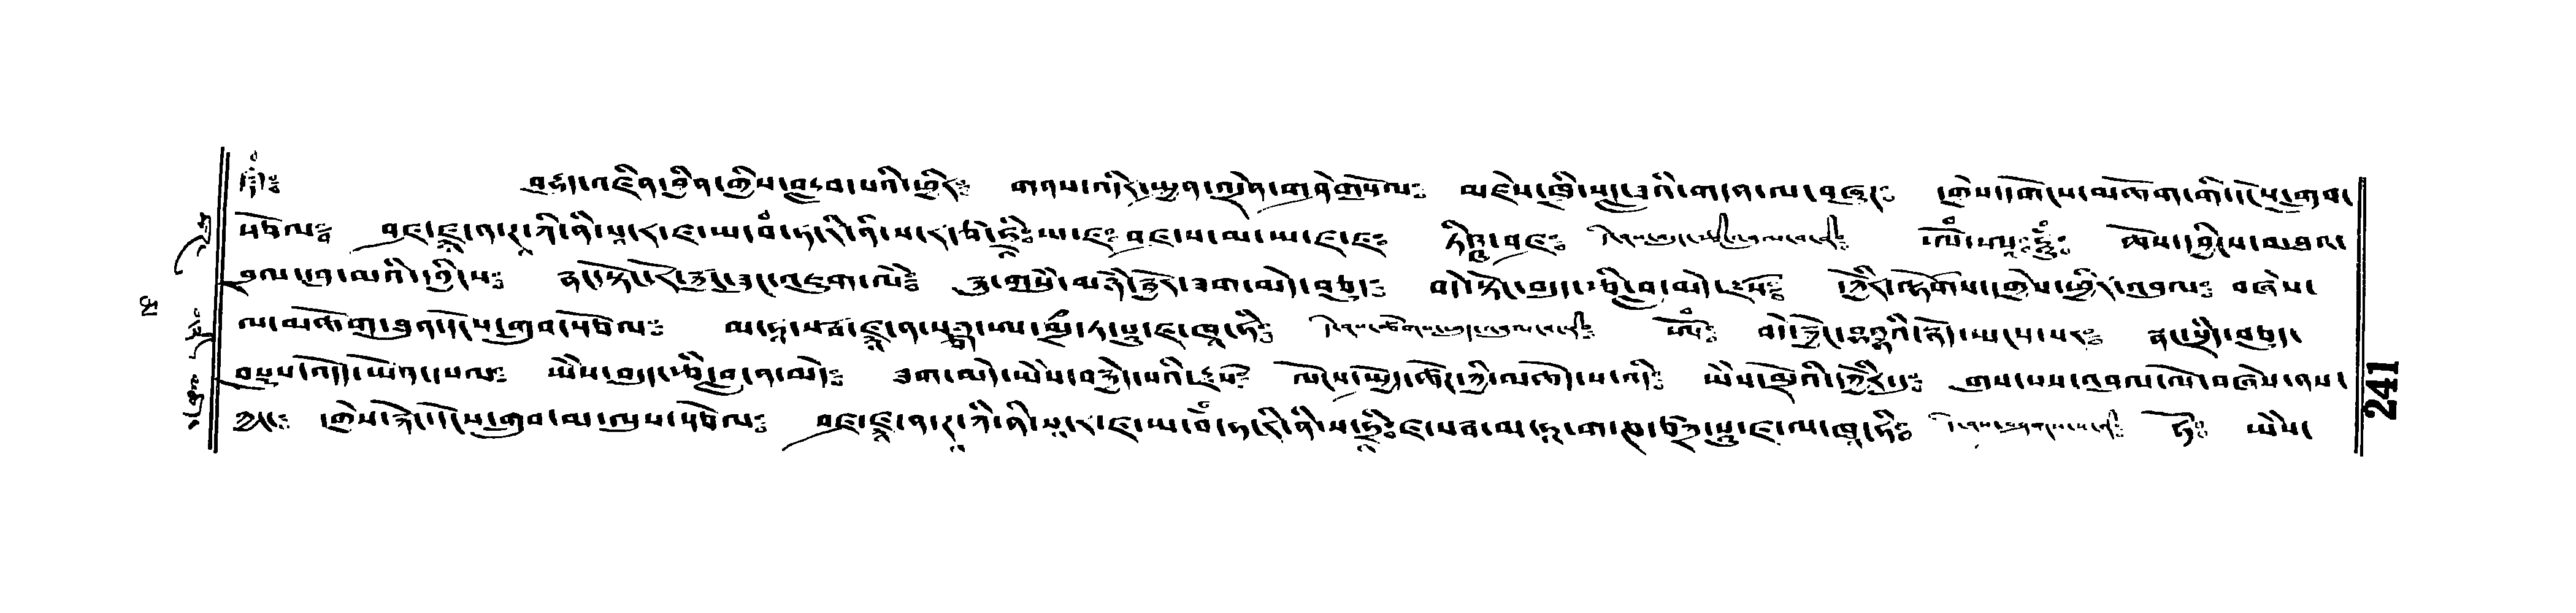བརྒྱུད་འཛིན་བྱིན་གྱིས་བརླབ་པའི་ཕྱིར༔ གནས་འདིར་སྤྱན་འདྲེན་གཤེགས་སུ་གསོལ༔ མཛེས་ཁྲི་པད་ཟླའི་གདན་ལ་བཞུགས༔ དགྱེས་དགོངས་མཆོག་གི་དངོས་གྲུབ་
སྩོལ༔ བཛྲ་ཛྙཱ་ན་ཌཱ་ཀི་ནི་སཱ་ར་ཛ་ཡ་བཾ་ཧ་རི་ནི་ས་ར་ཙ་ཧྲཱིཿཡ་ཛཿབཛྲ་ས་མ་ཡ་ཛ་ཛཿ ཏིཥྛ་བཛྲ༔ དེ་ནས་བདུད་རྩི་འབུལ་བ་ནི༔ ཨོཾ་ཨཱཿཧཱུྃ༔ ཆོས་དབྱིངས་མཐའ་
བྲལ་དབུ་མའི་དབྱིངས༔ སྣང་སྟོང་རོ་རྐྱང་ཟུང་འཇུག་ལམ༔ སྐུ་གསུམ་མཉམ་སྦྱོར་ཟད་མེད་བཅུད༔ བདེ་སྟོང་བདུད་རྩི་བླ་མེད་རྫས༔ དཀྱིལ་འཁོར་ལྷ་ཚོགས་དགྱེས་ཕྱིར་འབུལ༔ བཞེས་
ལ་མཆོག་ཐུན་དངོས་གྲུབ་སྩོལ༔ མ་ཧཱ་སརྦ་ཛྙཱ་ན་པཉྩ་ཨ་མྲྀ་ཏ་པཱུ་ཛ་ཁཱ་ཧིཿ དེ་ནས་ཚོགས་ཕུད་འབུལ་བ་ནི༔ ཨོཾ༔ བདེ་སྐྱོང་བྷནྡྷའི་སྣོད་ཡངས་པར༔ སྣང་སྲིད་བཅུད་
བསྡུས་འདོད་ཡོན་དཔལ༔ ཡེ་ཤེས་བདུད་རྩི་བླ་ན་མེད༔ ཟག་མེད་ཡེ་ཤེས་བསྐྱེད་པའི་རྫས༔ ལོངས་སྤྱོད་ཚོགས་ཀྱི་མཆོད་པ་འདི༔ ཡེ་ཤེས་མཁའ་འགྲོའི་དཀྱིལ་འཁོར་དུ༔ གུས་པས་འབུལ་ལོ་བཞེས་ནས་
ཀྱང༔ དགྱེས་སྐོང་དངོས་གྲུབ་མ་ལུས་སྩོལ༔ བཛྲ་ཛྙཱ་ན་ཌཱ་ཀི་ནི་སཱ་ར་ཛ་ཡ་བྃ་ཧ་རི་ནི་ས་ཧྲཱིཿཛ་སརྦ་མ་ཧཱ་ག་ཎ་ཙཀྲ་པཱུ་ཛ་ལ་ཁཱ་ཧིཿ དེ་ནས་བཤགས་པ་ནི༔ ཧོཿ ཡེ་ཤེས་